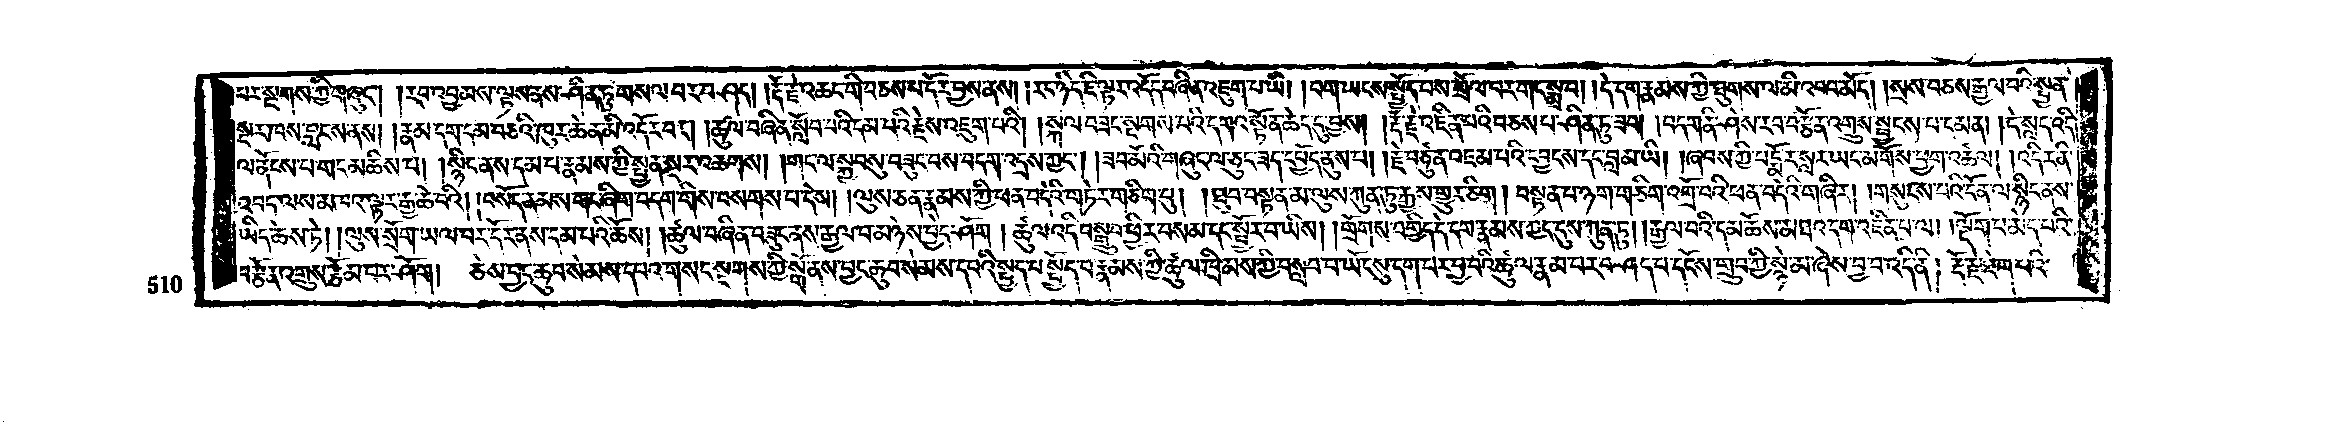པར་སྔགས་ཀྱི་གཞུང་། །རབ་འབྱམས་ལྟས་ནས་ཤིན་ཏུ་གསལ་བར་བཤད། །རྡོ་རྗེ་འཆང་གི་བཅས་པ་དོར་བྱས་ནས། །རང་ཉིད་ཇི་ལྟར་འདོད་བཞིན་འཇུག་པ་ཡི། །བག་ཡངས་སྤྱོད་པས་གྲོལ་བར་གང་སྨྲ་བ། །དེ་དག་རྣམས་ཀྱི་ཐུགས་ལ་མི་འབབ་མོད། །སྲས་བཅས་རྒྱལ་བའི་སྤྱན་
སྔར་ཁས་བླངས་ནས། །རྣམ་དག་དམ་བཅའི་ཁུར་ཆེན་མི་འདོར་བར། །ཚུལ་བཞིན་སློབ་པའི་དམ་པའི་རྗེས་འཇུག་པའི། །སྐལ་བཟང་སྔགས་པའི་དགའ་སྟོན་ཆེད་དུ་བྱས། །རྡོ་རྗེ་འཛིན་པའི་བཅས་པ་ཤིན་ཏུ་ཟབ། །བདག་ནི་ཤེས་རབ་བརྩོན་འགྲུས་སྦྱངས་པ་དམན། །དེ་སླད་འདི་
ལ་ནོངས་པ་གང་མཆིས་པ། །སྙིང་ནས་དམ་པ་རྣམས་ཀྱི་སྤྱན་སྔར་འཆགས། །གང་ལ་སྐྱབས་སུ་བཟུང་བས་བདག་འདྲས་ཀྱང་། །ཟབ་མོའི་གཞུང་ལ་ཅུང་ཟད་དཔྱོད་ནུས་པ། །རྗེ་བཙུན་འཇམ་པའི་དབྱངས་དང་བླ་མ་ཡི། །ཞབས་ཀྱི་པདམོར་སླར་ཡང་མགོས་ཕྱག་འཚལ། །འདིར་ནི་
འབད་ལས་མཁའ་ལྟར་རྒྱ་ཆེ་བའི། །བསོད་ནམས་གང་ཞིག་བདག་གིས་བསགས་པ་དེས། །ལུས་ཅན་རྣམས་ཀྱི་ཕན་བདེའི་གཏེར་གཅིག་པུ། །ཐུབ་བསྟན་མ་ལུས་ཀུན་ཏུ་རྒྱ་གྱུར་ཅིག། བསྟན་པ་ཉག་གཅིག་འགྲོ་བའི་ཕན་བདེའི་གཞིར། །གསུངས་པའི་དོན་ལ་སྙིང་ནས་
ཡིད་ཆེས་ཏེ། །ལུས་སྲོག་ཡལ་བར་དོར་ནས་དམ་པའི་ཆོས། །ཚུལ་བཞིན་བཟུང་ནས་རྒྱལ་བ་མཉེས་བྱེད་ཤོག །ཚུལ་འདི་བསྒྲུབ་ཕྱིར་བསམ་དང་སྦྱོར་བ་ཡིས། །གྲོགས་བགྱིད་དེ་དག་རྣམས་ཀྱང་དུས་ཀུན་ཏུ། །རྒྱལ་བའི་དམ་ཆོས་མཐའ་དག་འཛིན་པ་ལ། །ལྡོག་པ་མེད་པའི་
བརྩོན་འགྲུས་རྩོམ་པར་ཤོག། ཅེས་བྱང་ཆུབ་སེམས་དཔའ་གསང་སྔགས་ཀྱི་སྒོ་ནས་བྱང་ཆུབ་སེམས་དཔའི་སྤྱད་པ་སྤྱོད་པ་རྣམས་ཀྱི་ཚུལ་ཁྲིམས་ཀྱི་བསླབ་པ་ཡོངས་སུ་དག་པར་བྱ་བའི་ཚུལ་རྣམ་པར་བཤད་པ་དངོས་གྲུབ་ཀྱི་སྙེ་མ་ཞེས་བྱ་བ་འདི་ནི། རྡོ་རྗེ་ཐེག་པའི་